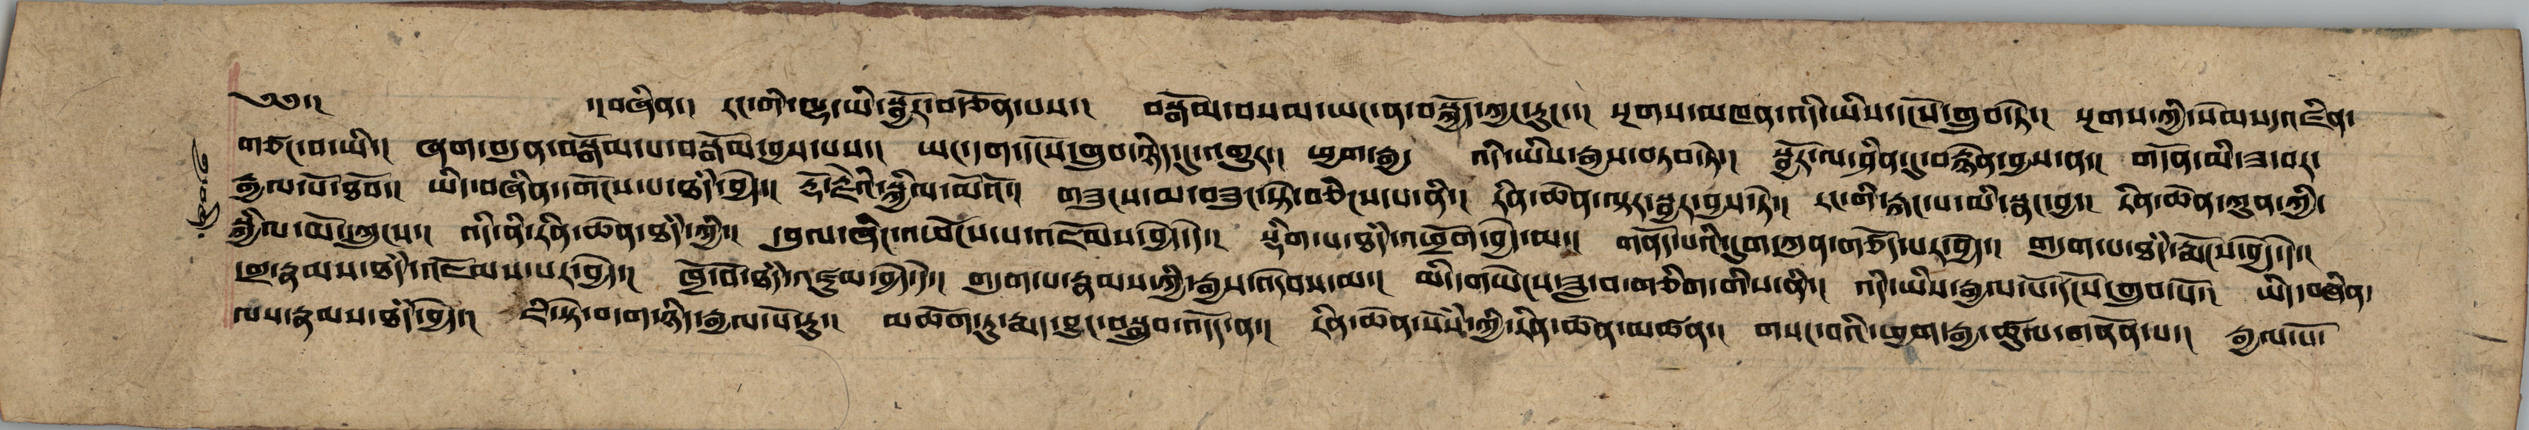༄༅་། ་།བཞིན་། རང་གི་ལྷ་ཡི་སྦྱོར་བརྩོན་པས་། བསྒོམ་བསམ་ཡང་ན་བསྐྱོད་ཀྱང་རུང་་། སྔགས་མཁན་འདི་ཡིས་དངོས་གྲུབ་ཏེ་། སྔགས་ཀྱི་སེམས་འཛིན་
གཙང་བ་ཡི་། ཞག་བདུན་བསྒོམ་པ་བསྒོམ་བྱས་པས་། ཡང་དག་དངོས་གྲུབ་ཉིད་དུ་འགྱུར་། ཕྱག་རྒྱ་ འདི་ཡིས་རྒྱས་བཏབ་ཏེ་། སྦྱོར་ལ་ཤིན་དུ་བརྙེན་བྱས་ནས་། གདོན་མི་ཟ་བར་
རྒྱལ་པོ་ཐོབ་། ཡིད་བཞིན་དགོངས་པ་ཐཾད་བྱེད་། རྡོ་རྗེའི་སྐྱིལ་མོའོ་། གཟུངས་མ་བཟུང་སྟེ་བཅིངས་པ་ནི་། རིན་ཆེན་ལྟར་སྦྱར་བྱས་ཏེ་། རང་གི་རྐང་པ་མི་སྣང་བྱ་། རིན་ཆེན་ཀུན་ཀྱི་
སྐྱིལ་མོ་དཀྲུངས་། འདི་ནི་རིན་ཆེན་ཐཾད་ཀྱི་། དབུལ་ཞིང་འཕོངས་པ་འཇོམས་བྱེད་དེ་། སྡིག་པ་ཐཾད་འཕྲོག་བྱེད་མ་། གནོད་པའི་དུག་ཀུན་གཅོད་པར་བྱེད་། གདུག་པ་ཐཾད་རྨོངས་བྱེད་དེ་།
དགྲ་རྣམས་ཐཾད་འཇོམས་པར་བྱེད་། ཁྲོ་བོ་ཐཾད་འཛུམ་བྱེད་དེ་། གདུག་པ་རྣམས་ཀྱི་རྒྱས་འདེབས་མ་། མིད་གཡེངས་ཟླ་བ་གཅིག་གིས་ནི་། འདི་ཡིས་རྒྱལ་པོ་དངོས་གྲུབ་པོ་། ཡིད་བཞིན་
ལས་རྣམས་ཐཾད་བྱེད་། ཇི་སྟེ་བདག་ཉིད་རྒྱལ་པོ་རུ་། མཆོག་ཏུ་རྨད་བྱུང་བསྒྲུབ་འདོད་ན་། རིན་ཆེན་སེཾས་ཀྱི་རིན་ཆེན་མཚན་། གསང་བའི་ཕྱག་རྒྱ་ཚུལ་གནོན་པ་། རྒྱལ་པོ་